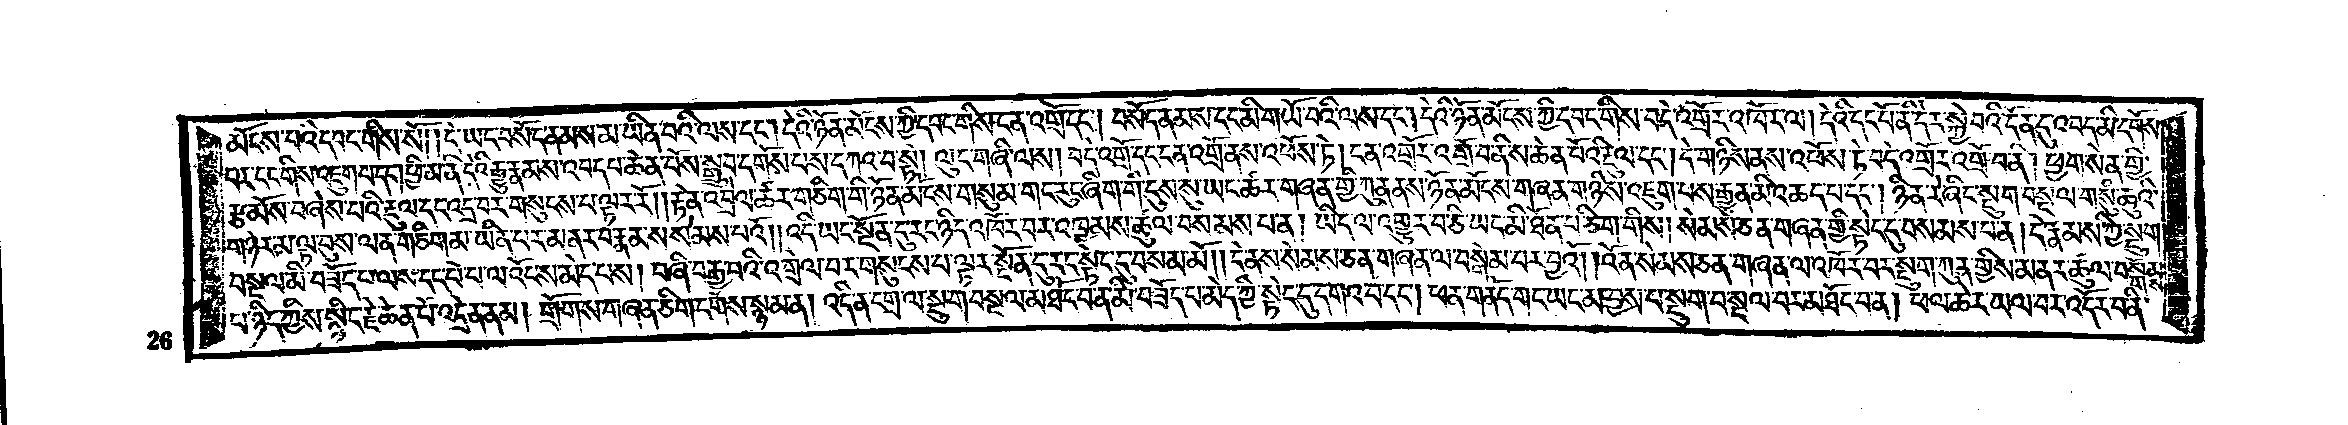མོངས་པའི་དབང་གིས་སོ། །དེ་ཡང་བསོད་ནམས་མ་ཡིན་པའི་ལས་དང་། དེའི་ཉོན་མོངས་ཀྱི་དབང་གིས་ངན་འགྲོ་དང་། བསོད་ནམས་དང་མི་གཡོ་བའི་ལས་དང་། དེའི་ཉོན་མོངས་ཀྱི་དབང་གིས་བདེ་འགྲོར་འཁོར་ལ། དེའི་དང་པོ་ནི་དེར་སྐྱེ་བའི་དོན་དུ་འབད་ནི་དགོས་
པར་ངང་གིས་འཇུག་པ་དང་། ཕྱི་མ་ནི་དེའི་རྒྱུ་རྣམས་འབད་པ་ཆེན་པོས་སྒྲུབ་དགོས་པས་དཀའ་བ་སྟེ། ལུང་གཞི་ལས། བདེ་འགྲོ་དང་ངན་འགྲོ་ནས་འཕོས་ཏེ། ངན་འགྲོར་འགྲོ་བ་ནི་ས་ཆེན་པོའི་རྡུལ་དང་། དེ་གཉིས་ནས་འཕོས་ཏེ་བདེ་འགྲོར་འགྲོ་བ་ནི། ཕྱག་སེན་གྱི་
རྩ་མོས་བཞེས་པའི་རྡུལ་དང་འདྲ་བར་གསུངས་པ་ལྟར་རོ། །རྟེན་འབྲེལ་ཚར་གཅིག་གི་ཉོན་མོངས་གསུམ་གང་རུང་ཞིག་གི་དུས་སུ་ཡང་ཚར་གཞན་གྱི་ཀུན་ནས་ཉོན་མོངས་གཞན་གཉིས་འཇུག་པས་རྒྱུན་མི་འཆད་པ་དང་། ཉིན་རེ་ཞིང་སྡུག་བསྔལ་གསུམ་ཆུའི་
གཉེར་མ་ལྟ་བུས་ལན་གཅིག་མ་ཡིན་པར་མནར་བ་རྣམས་སེམས་པའོ། །འདི་ཡང་སྔོན་དུ་རང་ཉིད་འཁོར་བར་འཁྱམས་ཚུལ་བསམས་པ་ན། ཡིད་ལ་འགྱུར་བ་ཅི་ཡང་མི་ཐོན་པ་ཅིག་གིས། སེམས་ཅན་གཞན་གྱི་སྟེང་དུ་བསམས་པ་ན། དེ་རྣམས་ཀྱི་སྡུག་
བསྔལ་མི་བཟོད་པ་ལས་དང་པོ་པ་ལ་འོང་མེད་པས། བཞི་བརྒྱ་པའི་འགྲེལ་པར་གསུངས་པ་ལྟར་སྔོན་དུ་རང་སྟེང་དུ་བསམ་མོ། །དེ་ནས་སེམས་ཅན་གཞན་ལ་བསྒོམ་པར་བྱའོ། །འོ་ན་སེམས་ཅན་གཞན་ལ་འཁོར་བར་སྡུག་ཀུན་གྱིས་མནར་ཚུལ་བསྒོམས་
པ་ཉིད་ཀྱིས་སྙིང་རྗེ་ཆེན་པོ་འདྲེན་ནམ། གྲོགས་གཞན་ཅིག་དགོས་སྙམ་ན། འདི་ན་དགྲ་ལ་སྡུག་བསྔལ་མཐོང་བ་ན་མི་བཟོད་པ་མེད་ཀྱི་སྟེང་དུ་དགའ་བ་དང་། ཕན་གནོད་གང་ཡང་མ་བྱས་པ་སྡུག་བསྔལ་བར་མཐོང་བ་ན། ཕལ་ཆེར་ཡལ་བར་འདོར་བ་ནི་